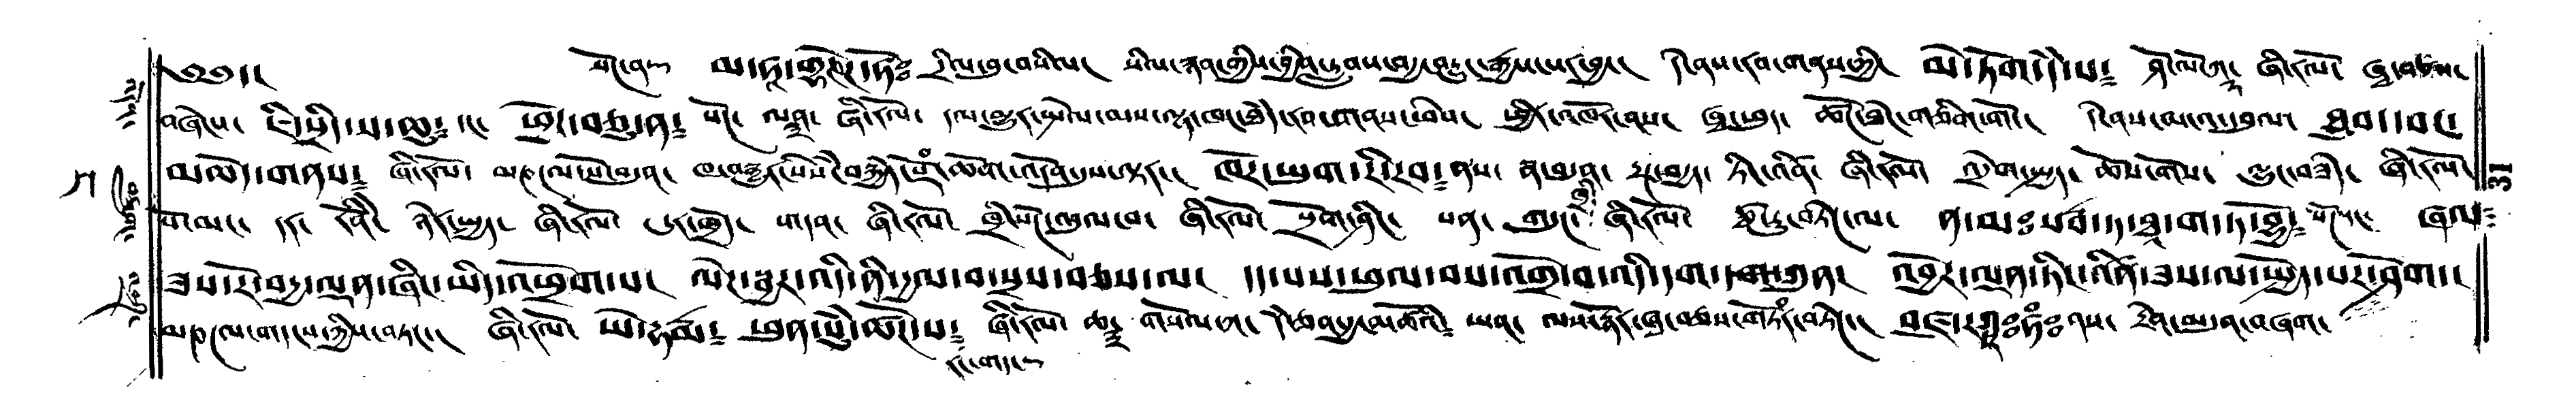༣༡༽ སོགས་ནས། མ་ཧཱ་གྷཎེཌ་ཧོཿ དྲིལ་བུ་བསིལ། སིལ་སྙན་གྱིས་བྱིན་རླབས་རྒྱ་རྡུང་རྒྱས་པར་བྱ། དེ་ནས་རབ་གནས་ཀྱི། མེ་ཏོག་དམ་པ༴ ཤོ་ལོ་ཀ་གཉིས། ཞི་རོལ། ཞྭ་བཅས་
བཞེངས། ཇི་སྲིད་ས་ཆུ༴ དང་། ཕྱོགས་བཅུ་ན༴ སོགས། ལན་གསུམ། ཞི་རོལ། དལ་མྱུར་སྤེལ་མས་ལྷ་ཁང་ཐམས་ཅད་རབ་གནས་བྱ།ཕྱིར་འཁོར་ནས། ཞྭ་ཕུད། ཚོགས་ཐེངས་གཅིག་གོ དེ་ནས་མངའ་དབུལ། ཐུབ་དབང་
མཆོད་གནས༴ ཞི་རོལ། མཎ་ཌལ་སོ་བདུན། ཁ་བསྒྱུར་སེམས་སྐྱེད་སྡོམ་ཆོག་འདོན་དུས་ལྟར། ཁོར་ཡུག་རི་རབ༴ ནས། སྣ་བདུན། རྟགས་བརྒྱད། ཏིང་འཛིན། ཞི་རོལ། འདྲེག་སྤྱད། ཆོས་གོས། ལྷུང་བཟེད། ཞི་རོལ། 
སོ་མ། དར། རིན་པོ་ཆེ། ཉེར་སྤྱད། ཞི་རོལ། དུར་ཁྲོད། གདན། ཞི་རོལ། ཁྲི་སོགས་འབུལ་བ། ཞི་རོལ། སྲོག་ཤིང་། ཅོད་པན། གདུགས། ཁྲི། ཞི་རོལ། ཙཱ་རུ་བཏེགས་ལ། ན་མཿསརྦ་ཏ་ཐཱ་ག་ཏ་བྷྱོ༴ སོགས་དང་། ཞལ་
ཟས་རོ་བརྒྱ་ལྡན་ཞིང་ཡིད་འཕྲོག་པ། །ལེགས་སྦྱར་འདི་ནི་རྒྱལ་བ་སྲས་བཅས་ལ། །དད་པས་ཕུལ་བས་འགྲོ་བ་འདི་དག་ཀུན། །འབྱོར་ལྡན་ཏིང་འཛིན་ཟས་ལ་སྤྱོད་པར་ཤོག ། 
མཎྜལ་གདངས་ཀྱིས་བཏང་། ཞི་རོལ། ཡེ་དྷརྨ༴ ཕུན་སུམ་ཚོགས་པ༴ རང་གདངས། ཞི་རོལ། ཆ་གསུམ། གསོལ་ཀ། དམ་ཅན་རྒྱ་མཚོའི༴ ཡན། ལས་རྡོར་ཞྭ་བཅས་གཏོར་མ་བཏེགས། བཛྲ་རཀྵཿཧཾཿནས། རྟེན་མདུན་གཞག